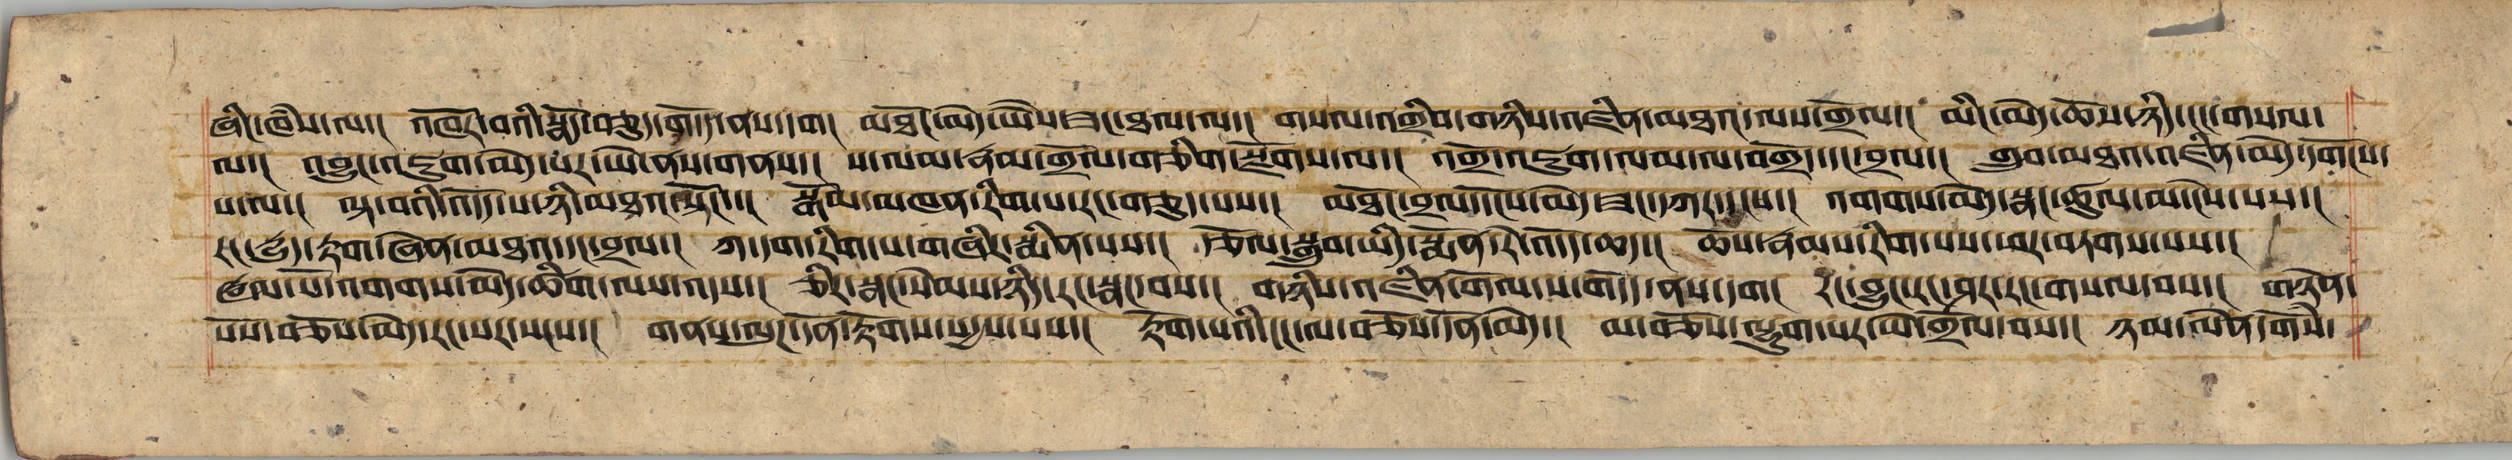ཞིང་ཁཾས་ལ་། འཁོར་བའི་སྣོད་བཅུད་གོདད་ནས་དག་། མཐོང་མེད་ཡཻས་ཟང་ཐལ་ལ་། གསལ་འགྲིབ་གཉིས་འཛིན་མཐའ་ལས་གྲོལ་། མིང་མེད་ཆོས་ཉིད་ངང་གསལ་
ལ་། འབྱུང་འཇུག་མེད་པར་ཡེ་ནས་གནས་། ས་ལམ་རྣམ་གྲོལ་གཅིག་སྫོགས་ལ་། འགྲོ་འཇུག་ལམ་ལ་བགྲོད་དང་བྲལ་། གྲུབ་མཐའ་འཛིན་མེད་དགོང་
པ་ལ་། ལྟ་བའི་འདོད་པ་ཉི་མཐའ་སྟོང་་། སྒོམ་མཁན་རིག་པ་རང་གཅུད་པས་། མཐོང་བྲལདངོས་མེད་ཟང་དཀར་དངས་། འགགས་མེད་སྣང་ཚུལ་མ་ངེས་པས་།
རང་དྱུད་རྟོག་ཞེན་མཐའ་དང་བྲལ་། ཀ་དག་རིག་པ་གཞིར་སྨིན་པས་། རྩོལ་སྒྲུབ་ཡིད་སྨོན་རེ་འདོད་ཆད་། ཆོས་རྣམས་རིག་པས་ཕར་བཏགས་པས་།
ཝལ་པོ་འགགས་མེད་ཚིག་ལས་འདས་། ཅིར་སྣང་སེམས་ཉིད་རང་སྣང་བས་། གཉིས་འཛིན་གོལ་ས་གདོད་ནས་དག། རང་བྱུང་རང་ཤར་རང་གསལ་བས་། གཉེན་
པོས་བཅོས་མེད་རང་སར་སངས་། གནས་ལུཌ་དོན་རྟོགས་སདྱས་པས་། རྟོག་པའི་ངང་ལ་བཅོས་དོན་མེད་། མ་བཅོས་ལྷུག་པར་ཡེ་གྲོལ་བས་། ཉམ་ལེན་དགོས་